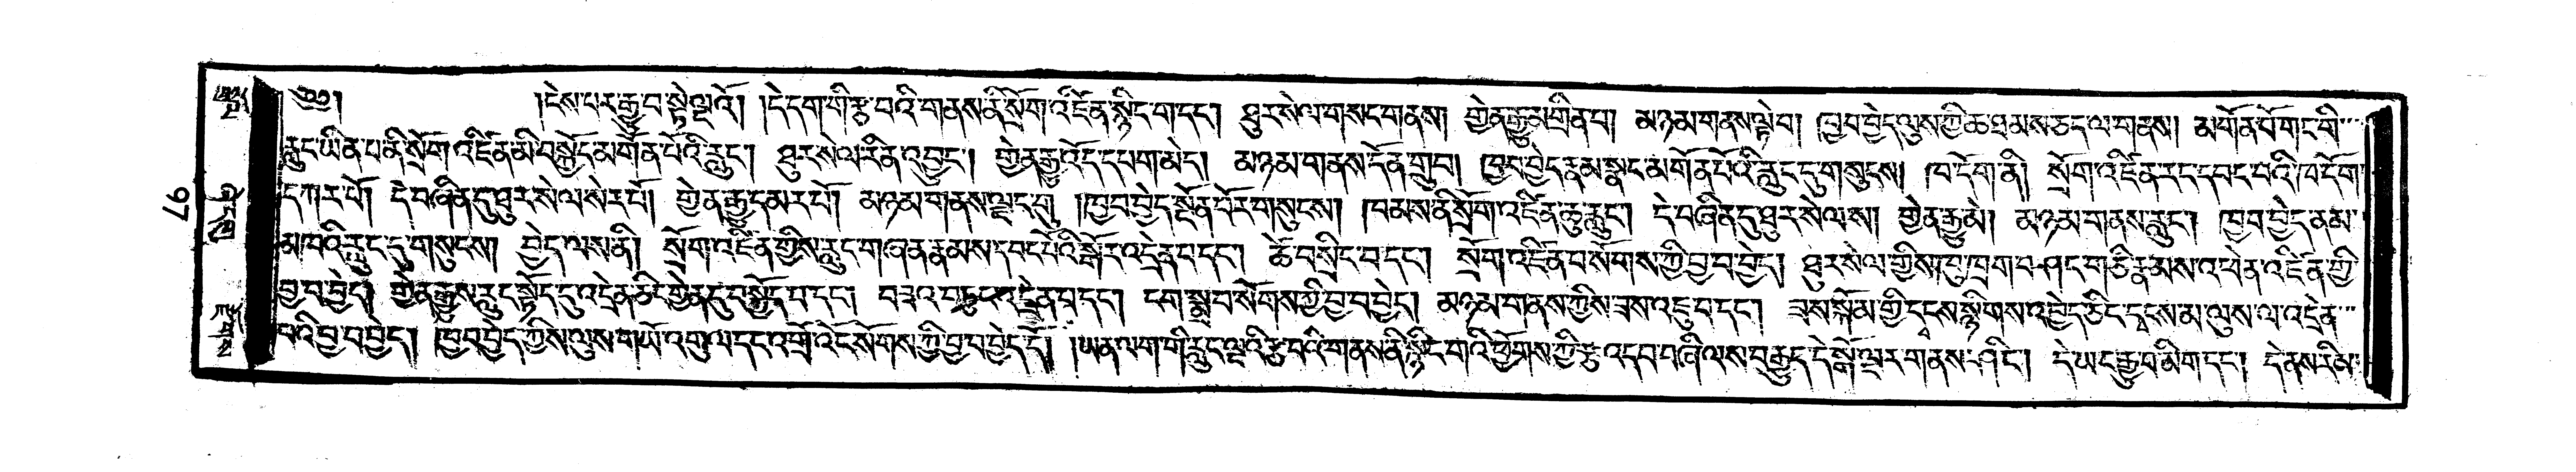༄༅། །ངེས་པར་རྒྱུ་བ་སྟེ་ལྔའོ། །དེ་དག་གི་རྩ་བའི་གནས་ནི་སྲོག་འཛིན་སྙིང་ག་དང་། ཐུར་སེལ་གསང་གནས། གྱེན་རྒྱུ་མགྲིན་པ། མཉམ་གནས་ལྟེ་བ། ཁྱབ་བྱེད་ལུས་ཀྱི་ཆ་ཐམས་ཅད་ལ་གནས། མགོན་པོ་གང་གི་
རླུང་ཡིན་པ་ནི་སྲོག་འཛིན་མི་བསྐྱོད་མགོན་པོའི་རླུང་། ཐུར་སེལ་རིན་འབྱུང་། གྱེན་རྒྱུ་འོད་དཔག་མེད། མཉམ་གནས་དོན་གྲུབ། ཁྱབ་བྱེད་རྣམ་སྣང་མགོན་པོའི་རླུང་དུ་གསུངས། ཁ་དོག་ནི། སྲོག་འཛིན་རང་དབང་བའི་ཁ་དོག་
དཀར་པོ། དེ་བཞིན་དུ་ཐུར་སེལ་སེར་པོ། གྱེན་རྒྱུ་དམར་པོ། མཉམ་གནས་ལྗང་གུ །ཁྱབ་བྱེད་སྔོན་པོར་གསུངས། ཁམས་ནི་སྲོག་འཛིན་ཆུ་རླུང་། དེ་བཞིན་དུ་ཐུར་སེལ་ས། གྱེན་རྒྱུ་མེ། མཉམ་གནས་རླུང་། ཁྱབ་བྱེད་ནམ་
མཁའི་རླུང་དུ་གསུངས། བྱེད་ལས་ནི། སྲོག་འཛིན་གྱིས་རླུང་གཞན་རྣམས་དབང་པོའི་སྒོར་འདྲེན་པ་དང་། ཚེ་བསྲིང་བ་དང་། སྲོག་འཛིན་པ་སོགས་ཀྱི་བྱ་བ་བྱེད། ཐུར་སེལ་གྱིས་ཁུ་ཁྲག་བཤང་གཅི་རྣམས་འཕེན་འཛིན་གྱི་
བྱ་བ་བྱེད། གྱེན་རྒྱུས་རླུང་སྟོད་དུ་འདྲེན་ཅིང་གྱེན་དུ་བསྐྱོད་པ་དང་། བཟའ་བཏུང་འདྲེན་པ་དང་། ངག་སྨྲ་བ་སོགས་ཀྱི་བྱ་བ་བྱེད། མཉམ་གནས་ཀྱིས་ཟས་འཇུ་བ་དང་། ཟས་སྐོམ་གྱི་དྭངས་སྙིགས་འབྱེད་ཅིང་དྭངས་མ་ལུས་ལ་འདྲེན་
བའི་བྱ་བ་བྱེད། ཁྱབ་བྱེད་ཀྱིས་ལུས་གཡོ་འབུལ་དང་འགྲོ་འོང་སོགས་ཀྱི་བྱ་བ་བྱེད་དོ། །ཡན་ལག་གི་རླུང་ལྔའི་རྩ་བའི་གནས་ནི་སྙིང་གའི་ཕྱོགས་ཀྱི་རྩ་འདབ་བཞི་ལས་བརྒྱུད་དེ་སྒོ་ལྡར་གནས་ཤིང་། དེ་ཡང་རྒྱུ་བ་མིག་དང་། དེ་ནས་རིམ་